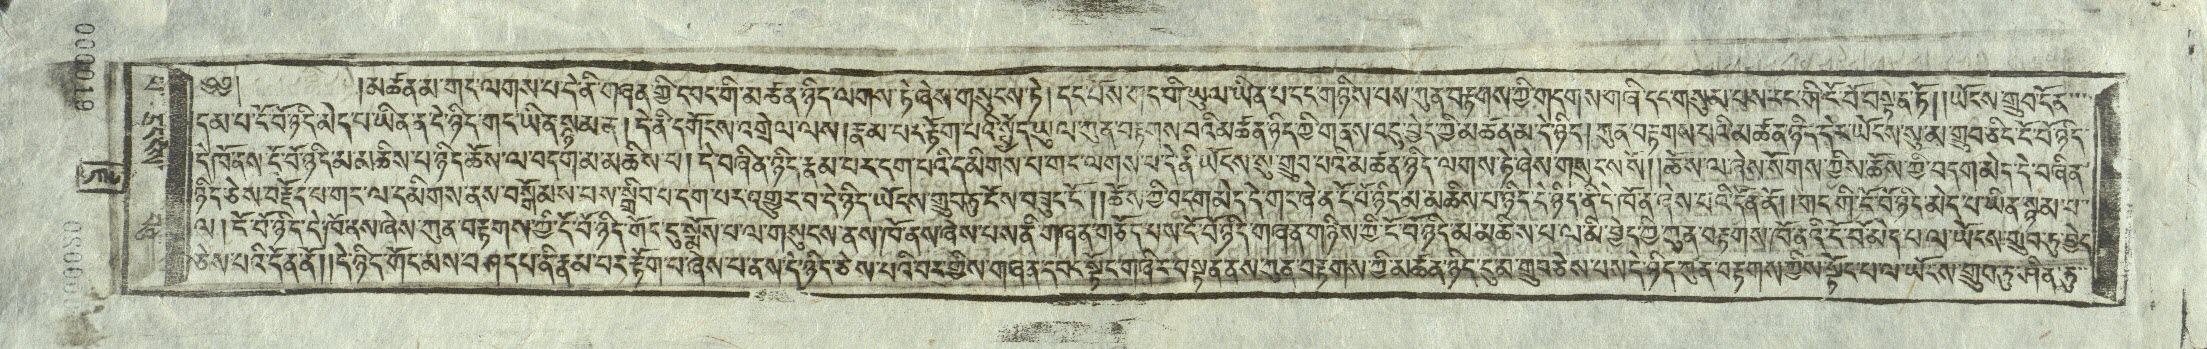༄༅། །མཚན་མ་གང་ལགས་པ་དེ་ནི་གཞན་གྱི་དབང་གི་མཚན་ཉིད་ལགས་ཏེ་ཞེས་གསུངས་ཏེ། དང་པོས་གང་གི་ཡུལ་ཡིན་པ་དང་གཉིས་པས་ཀུན་བརྟགས་ཀྱི་གདགས་གཞི་དང་གསུམ་པས་རང་གི་ངོ་བོ་བསྟན་ཏོ། །ཡོངས་གྲུབ་དོན་
དམ་པ་ངོ་བོ་ཉིད་མེད་པ་ཡིན་ན་དེ་ཉིད་གང་ཡིན་སྙམ་ན། དེ་ནི་དགོངས་འགྲེལ་ལས། རྣམ་པར་རྟོག་པའི་སྤྱོད་ཡུལ་ཀུན་བརྟགས་པའི་མཚན་ཉིད་ཀྱི་གནས་འདུ་བྱེད་ཀྱི་མཚན་མ་དེ་ཉིད། ཀུན་བརྟགས་པའི་མཚན་ཉིད་དེར་ཡོངས་སུ་མ་གྲུབ་ཅིང་ངོ་བོ་ཉིད་
དེ་ཁོ་ནས་ངོ་བོ་ཉིད་མ་མཆིས་པ་ཉིད་ཆོས་ལ་བདག་མ་མཆིས་པ། དེ་བཞིན་ཉིད་རྣམ་པར་དག་པའི་དམིགས་པ་གང་ལགས་པ་དེ་ནི་ཡོངས་སུ་གྲུབ་པའི་མཚན་ཉིད་ལགས་ཏེ་ཞེས་གསུངས་སོ། །ཆོས་ལ་ཞེས་སོགས་ཀྱིས་ཆོས་ཀྱི་བདག་མེད་དེ་བཞིན་
ཉིད་ཅེས་བརྗོད་པ་གང་ལ་དམིགས་ནས་བསྒོམས་པས་སྒྲིབ་པ་དག་པར་འགྱུར་བ་དེ་ཉིད་ཡོངས་གྲུབ་ཏུ་ངོས་བཟུང་ངོ། །ཆོས་ཀྱི་བདག་མེད་དེ་གང་ཞེ་ན་ངོ་བོ་ཉིད་མ་མཆིས་པ་ཉིད་དེ་ཉིད་ནི་དེ་ཁོ་ན་ཞེས་པའི་དོན་ནོ། །གང་གི་ངོ་བོ་ཉིད་མེད་པ་ཡིན་སྙམ་པ་
ལ། ངོ་བོ་ཉིད་དེ་ཁོ་ནས་ཞེས་ཀུན་བརྟགས་ཀྱི་ངོ་བོ་ཉིད་གོང་དུ་སྨོས་པ་ལ་གསུངས་ནས་ཁོ་ནས་ཞེས་པས་ནི་གཞན་གཅོད་པས་ངོ་བོ་ཉིད་གཞན་གཉིས་ཀྱི་ངོ་བོ་ཉིད་མ་མཆིས་པ་ལ་མི་བྱེད་ཀྱི་ཀུན་བརྟགས་ཁོ་ནའི་ངོ་བོ་མེད་པ་ལ་ཡོངས་གྲུབ་ཏུ་བྱེད་
ཅེས་པའི་དོན་ནོ། །དེ་ཉིད་གོང་མས་བཤད་པ་ནི་རྣམ་པར་རྟོག་པ་ཞེས་པ་ནས་དེ་ཉིད་ཅེས་པའི་བར་གྱིས་གཞན་དབང་སྟོང་གཞིར་བསྟན་ནས་ཀུན་བརྟགས་ཀྱི་མཚན་ཉིད་དུ་མ་གྲུབ་ཅེས་པས་དེ་ཉིད་ཀུན་བརྟགས་ཀྱིས་སྟོང་པ་ལ་ཡོངས་གྲུབ་ཏུ་ཤིན་ཏུ་